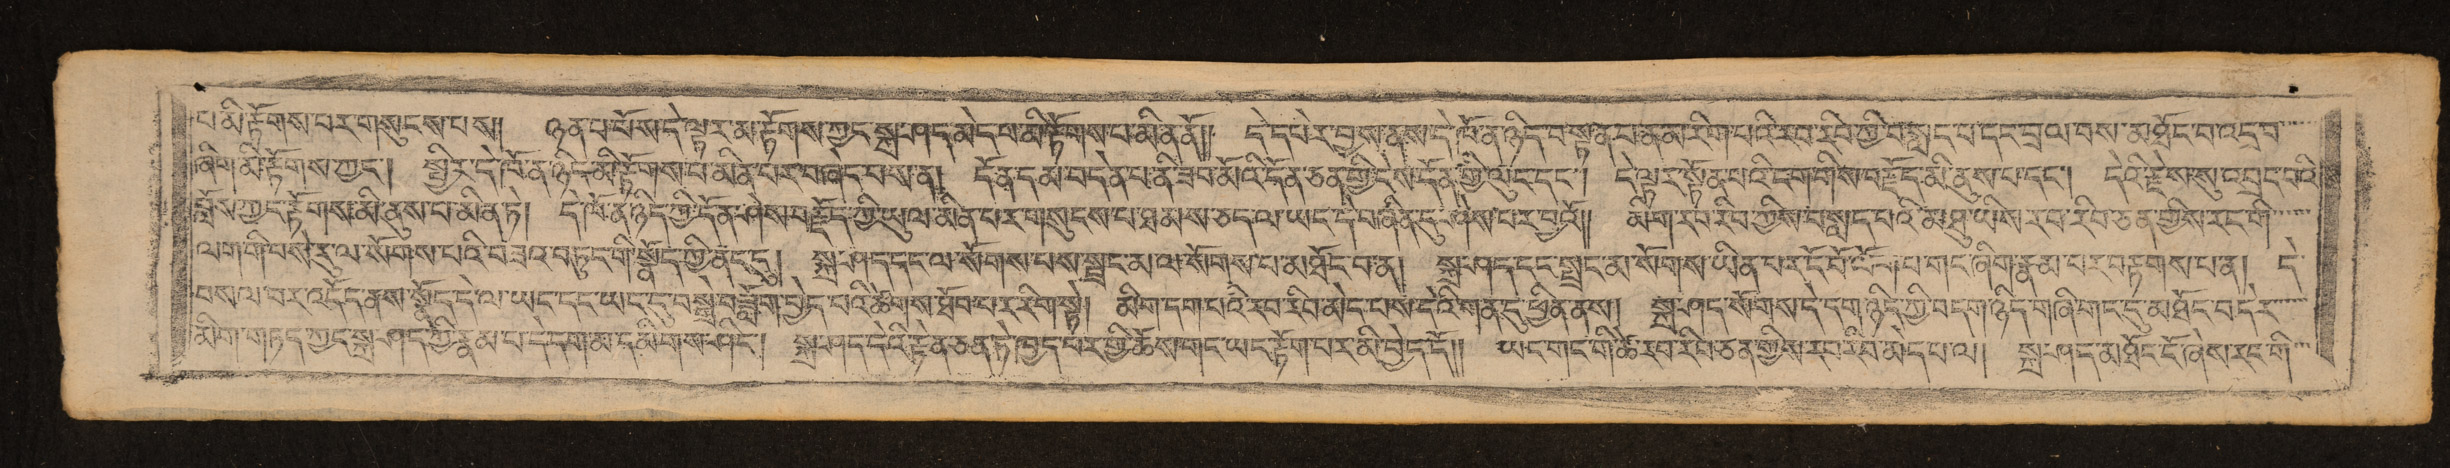པ་མི་རྟོགས་པར་གསུངས་པས། ཉན་པ་པོས་དེ་ལྟར་མ་རྟོགས་ཀྱང་སྐྲ་ཤད་མེད་པ་མི་རྟོགས་པ་མིན་ནོ།། དེ་དཔེར་བྱས་ནས་དེ་ཁོ་ན་ཉིད་བསྟན་པ་ནམ་རིག་པའི་རབ་རིབ་ཀྱི་བསླད་པ་དང་བྲལ་བས་མཐོང་བ་འདྲ་བ་
ཞིག་མི་རྟོགས་ཀྱང་། སྤྱིར་དེ་ཁོ་ན་ཉིད་མི་རྟོགས་པ་མིན་པར་བཞེད་པས་ན། དོན་དམ་བདེན་པ་ནི་ཟབ་མོའི་དོན་ཅན་གྱི་ངེས་དོན་གྱི་ལུང་དང་། དེ་ལྟར་སྟོན་པའི་ངག་གིས་བརྗོད་མི་ནུས་པ་དང་། དེའི་རྗེས་སུ་འབྲང་བའི་
བློས་ཀྱང་རྟོགས་མི་ནུས་པ་མིན་ཏེ། དེ་ཁོ་ན་ཉིད་ཀྱི་དོན་ཤེས་བརྗོད་ཀྱི་ཡུལ་མིན་པར་གསུངས་པ་ཐམས་ཅད་ལ་ཡང་དེ་བཞིན་དུ་ཤེས་པར་བྱའོ།། མིག་རབ་རིབ་ཀྱིས་བསླད་པའི་མཐུ་ཡིས་རབ་རིབ་ཅན་གྱིས་རང་གི་
ལག་གི་བསེ་རུ་ལ་སོགས་པའི་བཟའ་བཏུང་གི་སྣོད་ཀྱི་ནང་དུ། སྐྲ་ཤད་དང་ལ་སོགས་པས་སྦྲང་མ་ལ་སོགས་པ་མཐོང་བ་ན། སྐྲ་ཤད་དང་སྦྲང་མ་སོགས་ཡིན་པར་ངོ་བོ་ལོག་པ་གང་ཞིག་རྣམ་པར་བརྟགས་པ་ན། དེ་
བསལ་བར་འདོད་ནས་སྣོད་དེ་ལ་ཡང་དང་ཡང་དུ་བསྒྲེ་བཟློག་བྱེད་པའི་ཚེགས་ཐོབ་པར་རིག་སྟེ། མིག་དག་པའི་རབ་རིབ་མེད་པས་དེའི་གན་དུ་ཕྱིན་ནས། སྐྲ་ཤད་སོགས་དེ་དག་ཉིད་ཀྱི་བདག་ཉིད་གཞི་གང་དུ་མཐོང་བ་དེར་
མིག་གཏད་ཀྱང་སྐྲ་ཤད་ཀྱི་རྣམ་པ་དེ་དག་མ་དམིགས་ཤིང་། སྐྲ་ཤད་དེའི་རྟེན་ཅན་ཏེ་ཁྱད་པར་གྱི་ཆོས་གང་ཡང་རྟོག་པར་མི་བྱེད་དོ།། ཡང་གང་གི་ཚེ་རབ་རིབ་ཅན་གྱིས་རབ་རིབ་མེད་པ་ལ། སྐྲ་ཤད་མཐོང་ངོ་ཞེས་རང་གི་